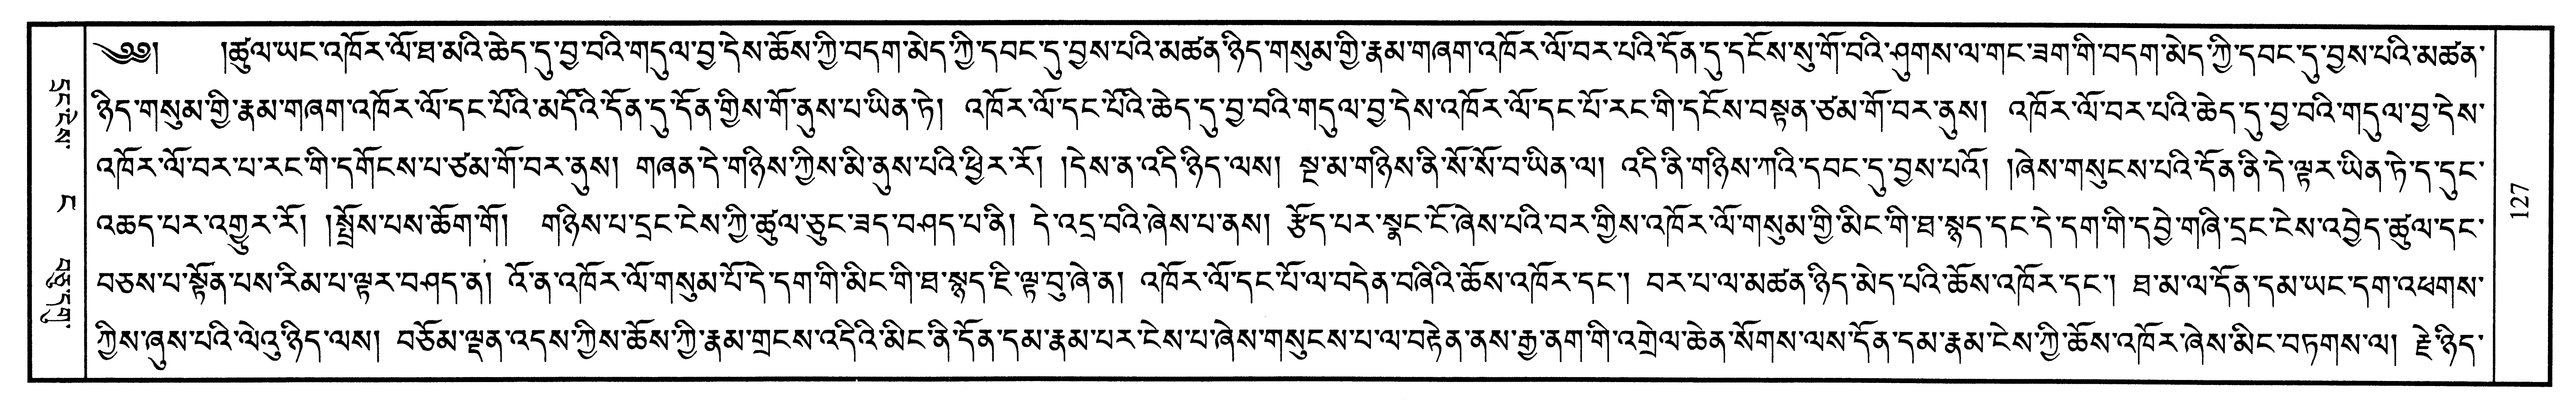༄༅། །ཚུལ་ཡང་འཁོར་ལོ་ཐ་མའི་ཆེད་དུ་བྱ་བའི་གདུལ་བྱ་དེས་ཆོས་ཀྱི་བདག་མེད་ཀྱི་དབང་དུ་བྱས་པའི་མཚན་ཉིད་གསུམ་གྱི་རྣམ་གཞག་འཁོར་ལོ་བར་པའི་དོན་དུ་དངོས་སུ་གོ་བའི་ཤུགས་ལ་གང་ཟག་གི་བདག་མེད་ཀྱི་དབང་དུ་བྱས་པའི་མཚན་
ཉིད་གསུམ་གྱི་རྣམ་གཞག་འཁོར་ལོ་དང་པོའི་མདོའི་དོན་དུ་དོན་གྱིས་གོ་ནུས་པ་ཡིན་ཏེ། འཁོར་ལོ་དང་པོའི་ཆེད་དུ་བྱ་བའི་གདུལ་བྱ་དེས་འཁོར་ལོ་དང་པོ་རང་གི་དངོས་བསྟན་ཙམ་གོ་བར་ནུས། འཁོར་ལོ་བར་པའི་ཆེད་དུ་བྱ་བའི་གདུལ་བྱ་དེས་
འཁོར་ལོ་བར་པ་རང་གི་དགོངས་པ་ཙམ་གོ་བར་ནུས། གཞན་དེ་གཉིས་ཀྱིས་མི་ནུས་པའི་ཕྱིར་རོ། །དེས་ན་འདི་ཉིད་ལས། སྔ་མ་གཉིས་ནི་སོ་སོ་བ་ཡིན་ལ། འདི་ནི་གཉིས་ཀའི་དབང་དུ་བྱས་པའོ། །ཞེས་གསུངས་པའི་དོན་ནི་དེ་ལྟར་ཡིན་ཏེ་ད་དུང་
འཆད་པར་འགྱུར་རོ། །སྤྲོས་པས་ཆོག་གོ། གཉིས་པ་དྲང་ངེས་ཀྱི་ཚུལ་ཅུང་ཟད་བཤད་པ་ནི། དེ་འདྲ་བའི་ཞེས་པ་ནས། རྩོད་པར་སྣང་ངོ་ཞེས་པའི་བར་གྱིས་འཁོར་ལོ་གསུམ་གྱི་མིང་གི་ཐ་སྙད་དང་དེ་དག་གི་དབྱེ་གཞི་དྲང་ངེས་འབྱེད་ཚུལ་དང་
བཅས་པ་སྟོན་པས་རིམ་པ་ལྟར་བཤད་ན། འོ་ན་འཁོར་ལོ་གསུམ་པོ་དེ་དག་གི་མིང་གི་ཐ་སྙད་ཇི་ལྟ་བུ་ཞེ་ན། འཁོར་ལོ་དང་པོ་ལ་བདེན་བཞིའི་ཆོས་འཁོར་དང་། བར་པ་ལ་མཚན་ཉིད་མེད་པའི་ཆོས་འཁོར་དང་། ཐ་མ་ལ་དོན་དམ་ཡང་དག་འཕགས་
ཀྱིས་ཞུས་པའི་ལེའུ་ཉིད་ལས། བཅོམ་ལྡན་འདས་ཀྱིས་ཆོས་ཀྱི་རྣམ་གྲངས་འདིའི་མིང་ནི་དོན་དམ་རྣམ་པར་ངེས་པ་ཞེས་གསུངས་པ་ལ་བརྟེན་ནས་རྒྱ་ནག་གི་འགྲེལ་ཆེན་སོགས་ལས་དོན་དམ་རྣམ་ངེས་ཀྱི་ཆོས་འཁོར་ཞེས་མིང་བཏགས་ལ། རྗེ་ཉིད་